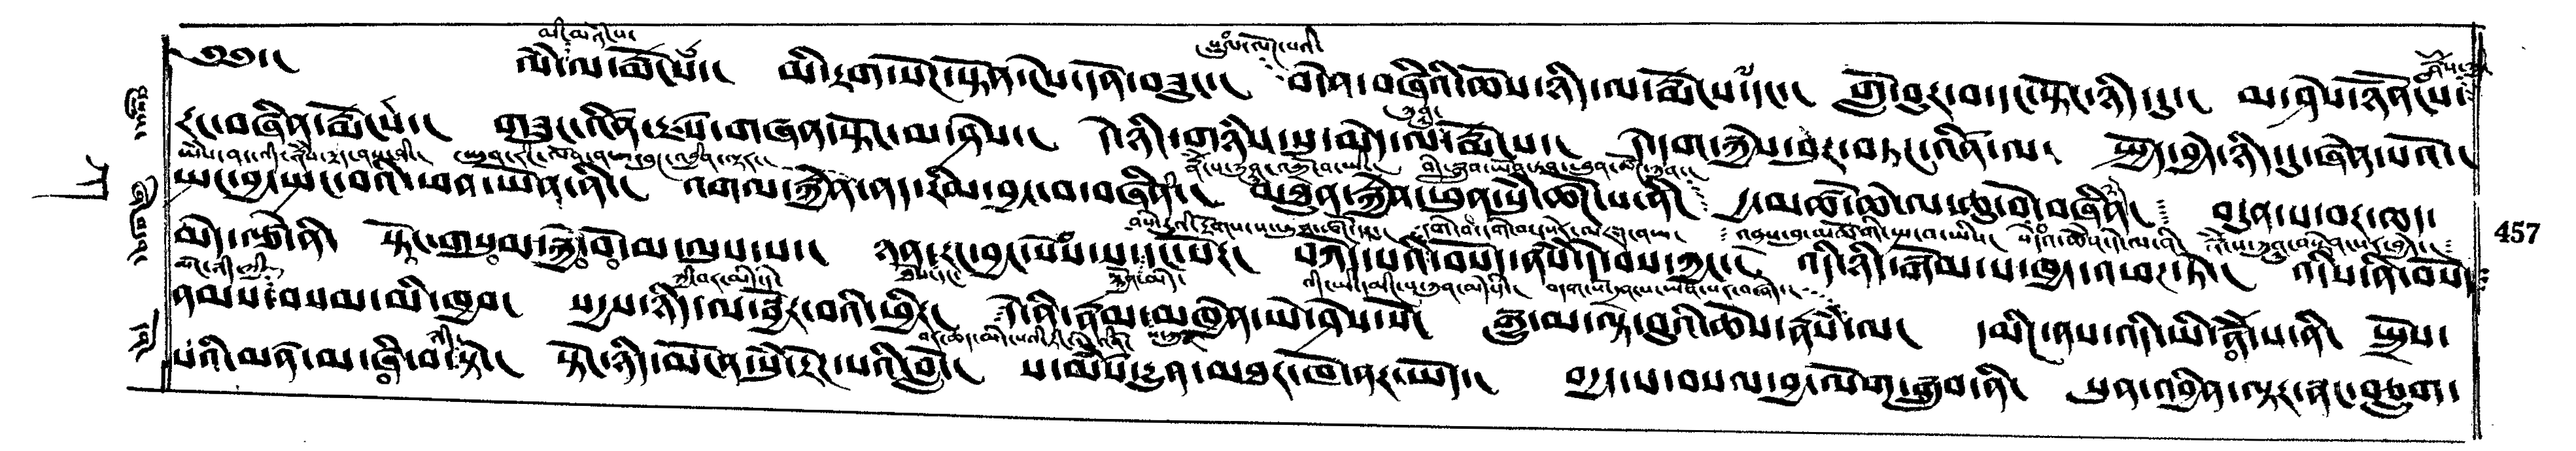ལམ་མི་མཉམ་པ་ལ་རྨོངས། །མི་རྟག་སོགས་སྟོན་ངེས་དོན་བཟུང་།། སྡུག་བསྔལ་ལ་སོགས་པའི་བདེན་བཞིའི་ཆོས་ཉིད་ལ་རྨོངས་དང་། །གློ་བུར་བ་དང་སྟོང་ཉིད་དུ། །མ་ཤེས་ཉོན་མོངས་རྣམ་ཀྱི་
རང་བཞིན་རྨོངས། །གཟུང་འཛིན་རྫས་གཞན་སྟོང་མ་ཤེས། །དེ་ཉིད་གཉིས་སུ་མེད་ལ་ཀུན་ཏུ་རྨོངས། །དེ་དག་སྐྱེས་བུར་བཏགས་འཛིན་ལ། །སྤྱོད་བྱེད་ཉིད་དུ་ཞེན་པའོ། །
སྤང་བྱ་སྤངས་བའི་ཕན་ཡོན་ནི། །འགལ་རྐྱེན་ཡམས་ནད་འདི་རྣམས་ཟད་ནས་ནི། །ཡུན་རིང་ལོན་ནས་དབུགས་འབྱིན་ལྟར། ནད་རིམ་བྱང་བ་བཞིན། །མཐུན་རྐྱེན་ཕུན་སུམ་ཚོགས་པ་ནི།། ། རྣམ་པ་ཀུན་ཏུ་འགྲོ་བ་ཡི། །བདེ་སྒྲུབ་ཡོན་ཏན་ཕུན་ཚོགས་ཀུན།། རྒྱ་མཚོ་ཆེ་ལ་ཆུ་བོ་བཞིན།། འབྲས་བུ་མཆོག་གི་སྤང་བ་ཡིས། །སེམས་དཔའ་ཆེན་པོ་དེ་ལ་ནི། །རྣམ་པ་ཀུན་ཏུ་བསྟེན་པར་བྱེད། བདུན་པ་བར་ཆད་
མེད་རྩེ་ནི། །སྟོང་གསུམ་སྐྱེ་བོ་མ་ལུས་པ། །ཉན་ཐོས་དང་རང་བྱང་སེམས་ས་སྐྱོན་མེད་དང་པོ། །བཀོད་པའི་བསེ་རུའི་རྟོགས་པ་ཕུན་ཚོགས་དང་། །དགེ་བ་དགེ་བ་དཔེར་མཛད་ནས། བསོད་ནམས་དེ་བས་ཀྱང་། །འདི་ཉིད་སྒོམ་པ་ཁྱད་འཕགས་ཏེ། །འདིས་ནི་བསོད་
ནམས་ཐུན་མོང་ཉིད་ཀྱིས་བསམ་མི་ཁྱབ། །སངས་རྒྱས་ཉིད་ཀྱི་བར་མེད་དེ་ལ་སྦྱོར་བའི་ཕྱིར།། བར་ཆད་མེད་པའི་ཏིང་ངེ་འཛིན། དེ་ནི་རྣམ་པ་ཀུན་མཁྱེན་ཡེ་ཤེས་སོ། །སྒྱུ་མ་ལྟ་བུའི་ཆོས་རྣམས་ལ།། འདི་ཡི་དམིགས་པ་ཀུན་མེད་དེ། །བདག་པོ་དྲན་པ་ཡིན་པར་བཞེད། དམིགས་ནས་འདི་ཡི་རྣམ་པ་ནི། །སྤྲོས་
པའི་མཚན་མ་ཞི་བ་ཉིད་སྟེ། །སྟོང་ཉིད་མངོན་སུམ་རྟོགས་པའི་བློ། །ས་མཚམས་རྒྱུན་མཐའ་ཁོ་ནར་ཡོད། །བརྒྱད་པ་བསལ་བྱ་ལོག་སྒྲུབ་ནི། །སུན་འབྱིན་ལྟར་སྣང་བཅུ་དྲུག་